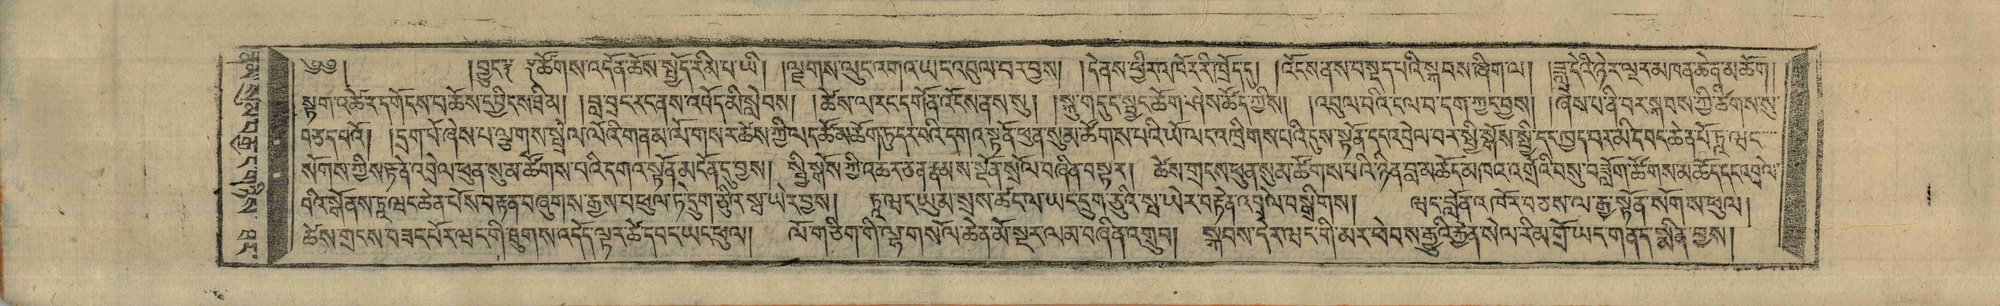༄༅། །བྱུང་། །ཚོགས་འདོན་ཆོས་སྤྱོད་རིམ་པ་ཡི། །ལྗགས་ལུང་འགའ་ཡང་འཛུལ་བར་བྱས། །དེ་ནས་ཕྱིར་འཁོར་རི་ཁྲོད་དུ། །འོངས་ནས་བསྡད་པའི་སྐབས་ཞིག་ལ། །ཟླ་དེའི་ཉེར་ལྔར་མཁན་ཆེན་མཆོག །
སྟག་འཚེར་དགོངས་པ་ཆོས་དབྱིངས་ཐིམ། །བླ་བྲང་རང་ནས་འབོད་མི་སླེབས། །ཚེས་ལ་རང་དགོན་འོངས་ནས་སུ། །སྐུ་གདུང་སྦྱང་ཆོག་ཤེས་ཚོད་ཀྱིས། །འབུལ་བའི་ངལ་བ་དག་ཀྱང་བྱས། །ཞེས་པ་ནི་བར་སྐབས་ཀྱི་ཚིགས་སུ་
བཅད་པའོ། །དྲག་པོ་ཞེས་པ་ལྕགས་སྤྲེལ་ལོའི་གནམ་ལོ་གསར་ཚེས་ཀྱི་ལང་ཚོ་མཆོག་ཏུ་དར་བའི་དགའ་སྟོན་ཕུན་སུམ་ཚོགས་པའི་ཡོ་ལང་འཁྲིགས་པའི་དུས་སྟོན་དང་འབྲེལ་བར་སྤྱི་སྒོས་སྤྱི་དང་ཁྱད་པར་མི་དབང་ཆེན་པོ་ཏཱ་ཝང་
སོགས་ཀྱིས་རྟེན་འབྲེལ་ཕུན་སུམ་ཚོགས་པའི་དགའ་སྟོན་མངོན་དུ་བྱས། སྤྱི་སྒོས་ཀྱི་འཆར་ཅན་རྣམས་སྔོན་སྲོལ་བཞིན་བསྟར། ཚེས་གྲངས་ཕུན་སུམ་ཚོགས་པའི་ཉིན་བླ་མཆོད་མཁའ་འགྲོའི་བསུ་བཟློག་ཚོགས་མཆོད་དང་འབྲེལ་
བའི་སྒོ་ནས་ཏཱ་ཝང་ཆེན་པོས་བརྟན་བཞུགས་རྒྱས་པ་ཕུལ་ཏེ་དྲུག་ཅུའི་སྤ་ཡེར་བྱས། ཏཱ་ཝང་ཡུམ་སྲས་ཚང་ལ་ཡང་དྲུག་ཅུའི་སྤ་ཡེར་བརྟེན་འབྲེལ་བསྒྲིགས། ཝང་བློན་འཁོར་བཅས་ལ་རྒྱ་སྟོན་སོགས་ཕུལ།
ཚེས་གངས་བཟང་པོར་ཝང་གི་ཐུགས་འདོད་ལྟར་ཚེ་དབང་ཡང་ཕུལ། ལོ་གཅིག་གི་ལྷ་གསོལ་ཆེན་མོ་སྔར་ལམ་བཞིན་འགྲུབ། སྐབས་དེར་ཝང་གི་མར་ཕེབས་རྒྱུའི་རྐྱེན་སེལ་རིམ་གྲོ་ཡང་གནད་སྨིན་བྱས།